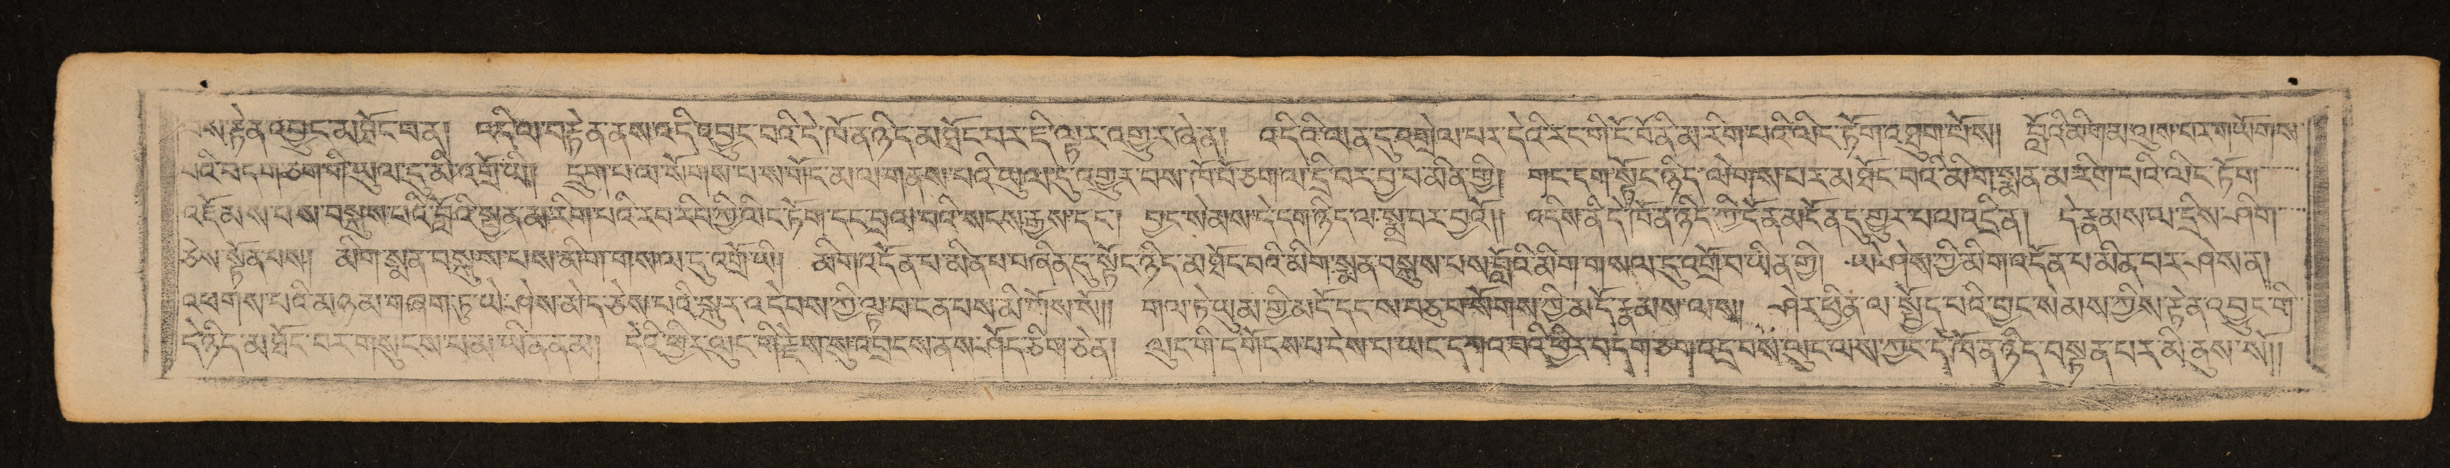པས་རྟེན་འབྱུང་མཐོང་བ་ན། འདི་ལ་བརྟེན་ནས་འདི་འབྱུང་བའི་དེ་ཁོ་ན་ཉིད་མཐོང་བར་ཇི་ལྟར་འགྱུར་ཞེ་ན། འདིའི་ལན་དུ་འགྲེལ་པར་དེའི་རང་གི་ངོ་བོ་ནི་མ་རིག་པའི་ལིང་ཏོག་འཐུག་པོས། བློའི་མིག་མ་ལུས་པར་གཡོགས་
པའི་བདག་ཅག་གི་ཡུལ་དུ་མི་འགྲོ་ཡི། དྲུག་པ་ལ་སོགས་པ་ས་གོང་མ་ལ་གནས་པའི་ཡུལ་དུ་འགྱུར་བས་ཁོ་བོ་ཅག་ལ་དྲི་བར་བྱ་བ་མིན་གྱི། གང་དག་སྟོང་ཉིད་ལེགས་པར་མཐོང་བའི་མིག་སྨན་མ་རིག་པའི་ལིང་ཏོག་
འཇོམས་པས་བསྐུས་པའི་བློའི་སྤྱན་མ་རིག་པའི་རབ་རིབ་ཀྱི་ལིང་ཏོག་དང་བྲལ་བའི་སངས་རྒྱས་དང་། བྱང་སེམས་དེ་དག་ཉིད་ལ་སྨྲ་བར་བྱའོ།། འདིས་ནི་དེ་ཁོ་ན་ཉིད་ཀྱི་དོན་མངོན་དུ་གྱུར་པ་ལ་འདྲི་ན། དེ་རྣམས་ལ་དྲིས་ཤིག་
ཅེས་སྟོན་པས། མིག་སྨན་བསྐུས་པས་མིག་གསལ་དུ་འགྲོ་ཡི། མིག་འདོན་པ་མིན་པ་བཞིན་དུ་སྟོང་ཉིད་མཐོང་བའི་མིག་སྨན་བསྐུས་པས་བློའི་མིག་གསལ་དུ་འགྲོ་བ་ཡིན་གྱི། ཡེ་ཤེས་ཀྱི་མིག་འདོན་པ་མིན་པར་ཤེས་ན།
འཕགས་པའི་མཉམ་གཞག་ཏུ་ཡེ་ཤེས་མེད་ཅེས་པའི་སྐུར་འདེབས་ཀྱི་ལྟ་བ་ངན་པས་མི་གོས་སོ།། གལ་ཏེ་ཡུམ་གྱི་མདོ་དང་ས་བཅུ་པ་སོགས་ཀྱི་མདོ་རྣམས་ལས། ཤེར་ཕྱིན་ལ་སྤྱོད་པའི་བྱང་སེམས་ཀྱིས་རྟེན་འབྱུང་གི་
དེ་ཉིད་མཐོང་བར་གསུངས་པ་མ་ཡིན་ནམ། དེའི་ཕྱིར་ལུང་གི་རྗེས་སུ་འབྲངས་ནས་ཤོད་ཅིག་ཅེ་ན། ལུང་གི་དགོངས་པ་ངེས་པ་ཡང་དཀའ་བའི་ཕྱིར་བདག་ཅག་འདྲ་བས་ལུང་ལས་ཀྱང་དེ་ཁོ་ན་ཉིད་བསྟན་པར་མི་ནུས་སོ།།